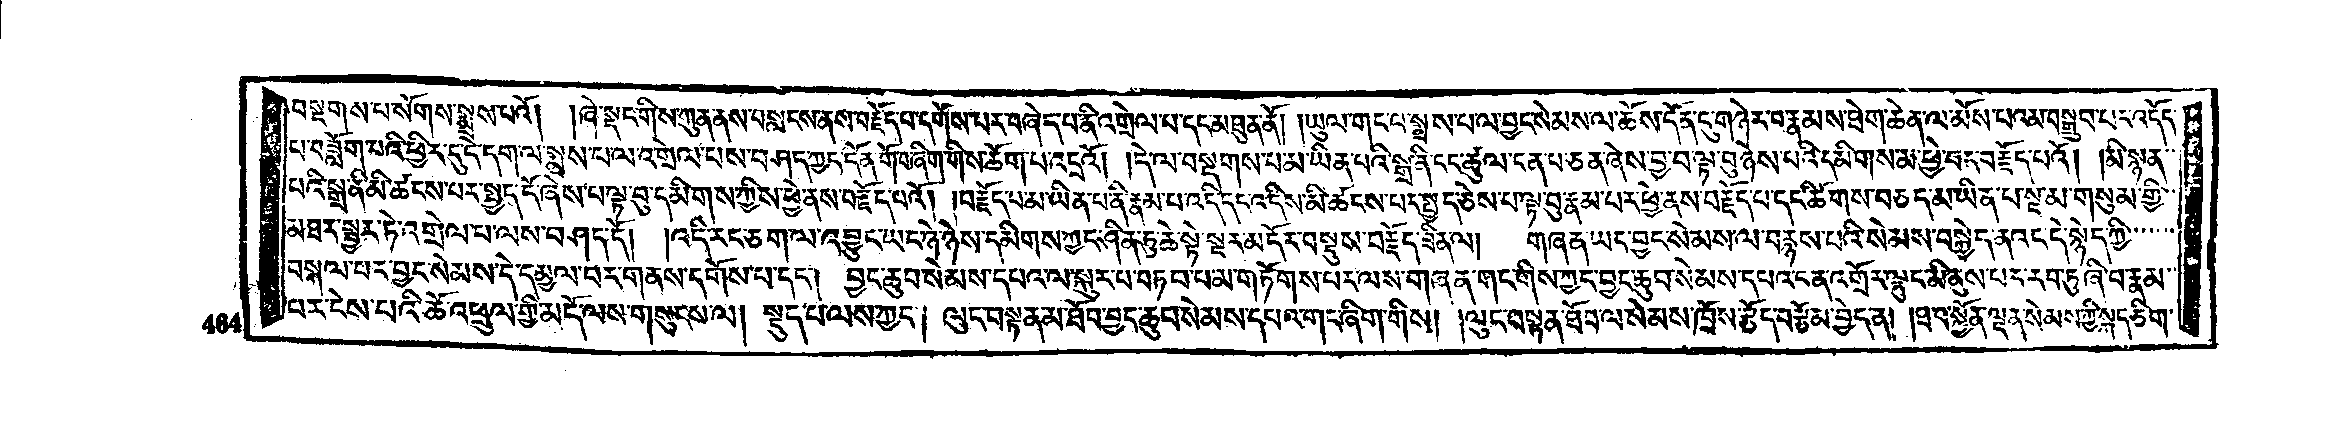བསྔགས་པ་སོགས་སྨྲས་པའོ། །ཞེ་སྡང་གིས་ཀུན་ནས་བསླངས་ནས་བརྗོད་པ་དགོས་པར་བཞེད་པ་ནི་འགྲེལ་པ་དང་མཐུན་ནོ། །ཡུལ་གང་ལ་སྨྲས་པ་ལ་བྱང་སེམས་ལ་ཆོས་དོན་དུ་གཉེར་བ་རྣམས་ཐེག་ཆེན་ལ་མོས་པའམ་བསྒྲུབ་པར་འདོད་
པ་བཟློག་པའི་ཕྱིར་དུ་དེ་དག་ལ་སྨྲས་པ་ལ་འགྲེལ་པས་བཤད་ཀྱང་དོན་གོ་བ་ཞིག་གིས་ཆོག་པ་འདྲའོ། །དེ་ལ་བསྔགས་པ་མ་ཡིན་པའི་སྒྲ་ནི་ངང་ཚུལ་ངན་པ་ཅན་ཞེས་བྱ་བ་ལྟ་བུ་ཉེས་པའི་དམིགས་མ་ཕྱེ་བར་བརྗོད་པའོ། །མི་སྙན་
པའི་སྒྲ་ནི་མི་ཚངས་པར་སྤྱད་དོ་ཞེས་པ་ལྟ་བུ་དམིགས་ཀྱིས་ཕྱེ་ནས་བརྗོད་པའོ། །བརྗོད་པ་མ་ཡིན་པ་ནི་རྣམ་པ་འདི་དང་འདིས་མི་ཚངས་པར་སྤྱད་ཅེས་པ་ལྟ་བུ་རྣམ་པར་ཕྱེ་ནས་བརྗོད་པ་དང་ཚིགས་བཅད་མ་ཡིན་པ་སྔ་མ་གསུམ་གྱི་
མཐར་སྦྱར་ཏེ་འགྲེལ་པ་ལས་བཤད་དོ། །འདི་རང་ཅག་ལ་འབྱུང་ཡང་ཉེ་ཉེས་དམིགས་ཀྱང་ཤིན་ཏུ་ཆེ་སྟེ་སྔར་མདོར་བསྡུས་བརྗོད་ཟིན་ལ། གཞན་ཡང་བྱང་སེམས་ལ་བརྙས་པའི་སེམས་བསྐྱེད་ནའང་དེ་སྙེད་ཀྱི་
བསྐལ་པར་བྱང་སེམས་དེ་དམྱལ་བར་གནས་དགོས་པ་དང་། བྱང་ཆུབ་སེམས་དཔའ་ལ་སྐུར་པ་བཏབ་པ་མ་གཏོགས་པར་ལས་གཞན་གང་གིས་ཀྱང་བྱང་ཆུབ་སེམས་དཔའ་ངན་འགྲོར་ལྟུང་མི་ནུས་པར་རབ་ཏུ་ཞི་བ་རྣམ་
པར་ངེས་པའི་ཆོ་འཕྲུལ་གྱི་མདོ་ལས་གསུངས་ལ། སྡུད་པ་ལས་ཀྱང་། ལུང་བསྟན་མ་ཐོབ་བྱང་ཆུབ་སེམས་དཔའ་གང་ཞིག་གིས། །ལུང་བསྟན་ཐོབ་ལ་སེམས་ཁྲོས་རྩོད་པ་རྩོམ་བྱེད་ན། །ཐ་བ་སྐྱོན་ལྡན་སེམས་ཀྱི་སྐད་ཅིག་